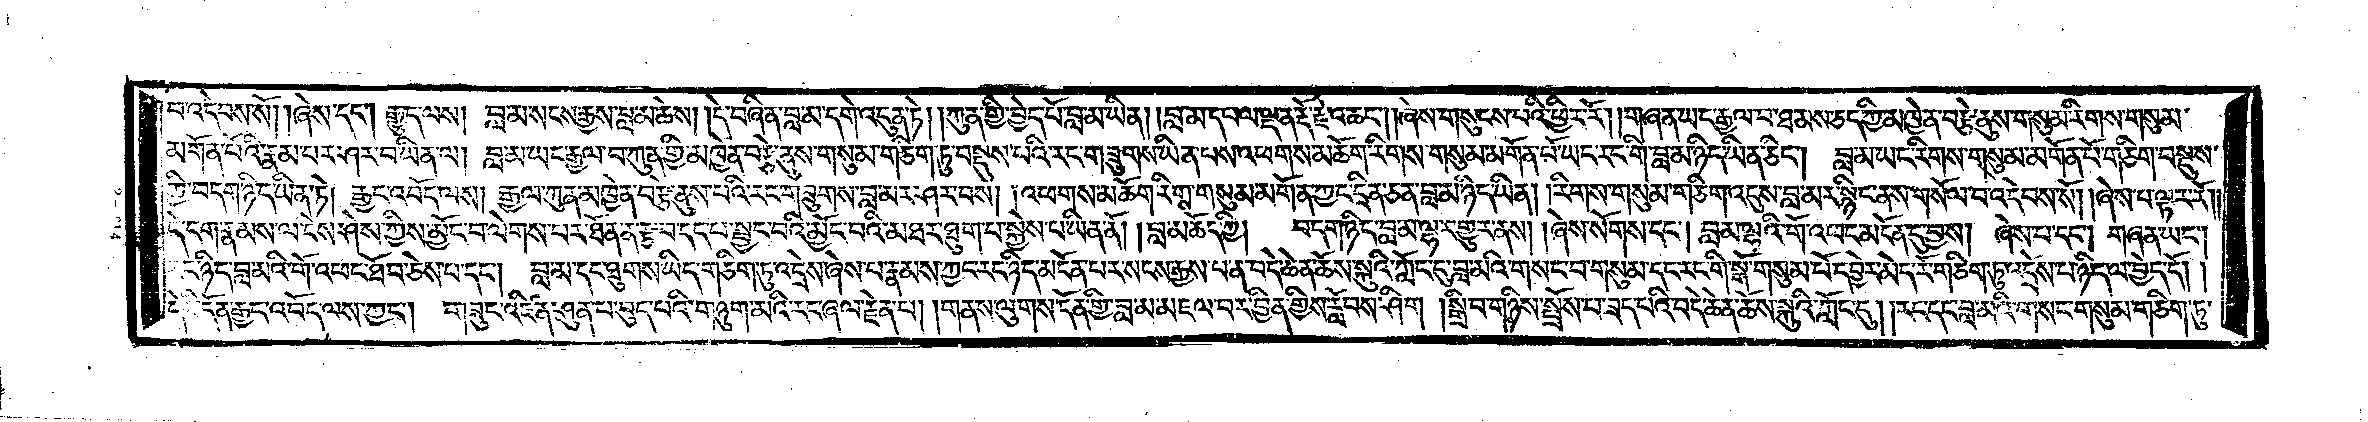བ་འདེབས་སོ། །ཞེས་དང་། རྒྱུད་ལས། བླ་མ་སངས་རྒྱས་བླ་མ་ཆེས། །དེ་བཞིན་བླ་མ་དགེ་འདུན་ཏེ། །ཀུན་གྱི་བྱེད་པོ་བླ་མ་ཡིན། །བླ་མ་དཔལ་ལྡན་རྡོ་རྗེ་འཆང་། །ཞེས་གསུངས་པའི་ཕྱིར་རོ། །གཞན་ཡང་རྒྱལ་བ་ཐམས་ཅད་ཀྱི་མཁྱེན་བརྩེ་ནུས་གསུམ་རིགས་གསུམ་
མགོན་པོའི་རྣམ་པར་ཤར་བ་ཡིན་ལ། བླ་མ་ཡང་རྒྱལ་བ་ཀུན་གྱི་མཁྱེན་བརྩེ་ནུས་གསུམ་གཅིག་ཏུ་བསྡུས་པའི་རང་གཟུགས་ཡིན་པས་འཕགས་མཆོག་རིགས་གསུམ་མགོན་པོ་ཡང་རང་གི་བླ་མ་ཉིད་ཡིན་ཅིང་། བླ་མ་ཡང་རིགས་གསུམ་མགོན་པོ་གཅིག་བསྡུས་
ཀྱི་བདག་ཉིད་ཡིན་ཏེ། རྒྱང་འབོད་ལས། རྒྱལ་ཀུན་མཁྱེན་བརྩེ་ནུས་པའི་རང་གཟུགས་བླ་མར་ཤར་བས། །འཕགས་མཆོག་རིགས་གསུམ་མགོན་ཀྱང་དྲིན་ཅན་བླ་མ་ཉིད་ཡིན། །རིགས་གསུམ་གཅིག་འདུས་བླ་མར་སྙིང་ནས་གསོལ་བ་འདེབས་སོ། །ཞེས་པ་ལྟར་རོ། །
དེ་དག་རྣམས་ལ་ངེས་ཤེས་ཀྱིས་མྱོང་བ་ལེགས་པར་ཐོན་ན་རྩ་བ་དད་པ་སྦྱང་བའི་མྱོང་བའི་མཐར་ཐུག་པ་སྐྱེས་པ་ཡིན་ནོ། །བླ་མཆོད་ཀྱི། བདག་ཉིད་བླ་མ་ལྷར་གྱུར་ནས། །ཞེས་སོགས་དང་། བླ་མ་ལྷའི་གོ་འཕང་མངོན་དུ་བྱས། ཞེས་པ་དང་། གཞན་ཡང་།
རང་ཉིད་བླ་མའི་གོ་འཕང་ཐོབ་ཅེས་པ་དང་། བླ་མ་དང་ཐུགས་ཡིད་གཅིག་ཏུ་འདྲེས་ཞེས་པ་རྣམས་ཀྱང་རང་ཉིད་མངོན་པར་སངས་རྒྱས་པ་ན་བདེ་ཆེན་ཆོས་སྐུའི་ཀློང་དུ་བླ་མའི་གསང་བ་གསུམ་དང་རང་གི་སྒོ་གསུམ་པོ་དབྱེར་མེད་རོ་གཅིག་ཏུ་འདྲོས་པ་ཉིད་ལ་བྱེད་དོ། །
དེའི་དོན་རྒྱང་འབོད་ལས་ཀྱང་། གཟུང་འཛིན་ཤུན་པ་བུད་པའི་གཉུག་མའི་རང་ཞལ་རྗེན་པ། །གནས་ལུགས་དོན་གྱི་བླ་མ་མཇལ་བར་བྱིན་གྱིས་རློབས་ཤིག །སྒྲིབ་གཉིས་སྤྲོས་པ་ཟད་པའི་བདེ་ཆེན་ཆོས་སྐུའི་ཀློང་དུ། །རང་དང་བླ་མའི་གསང་གསུམ་གཅིག་ཏུ་